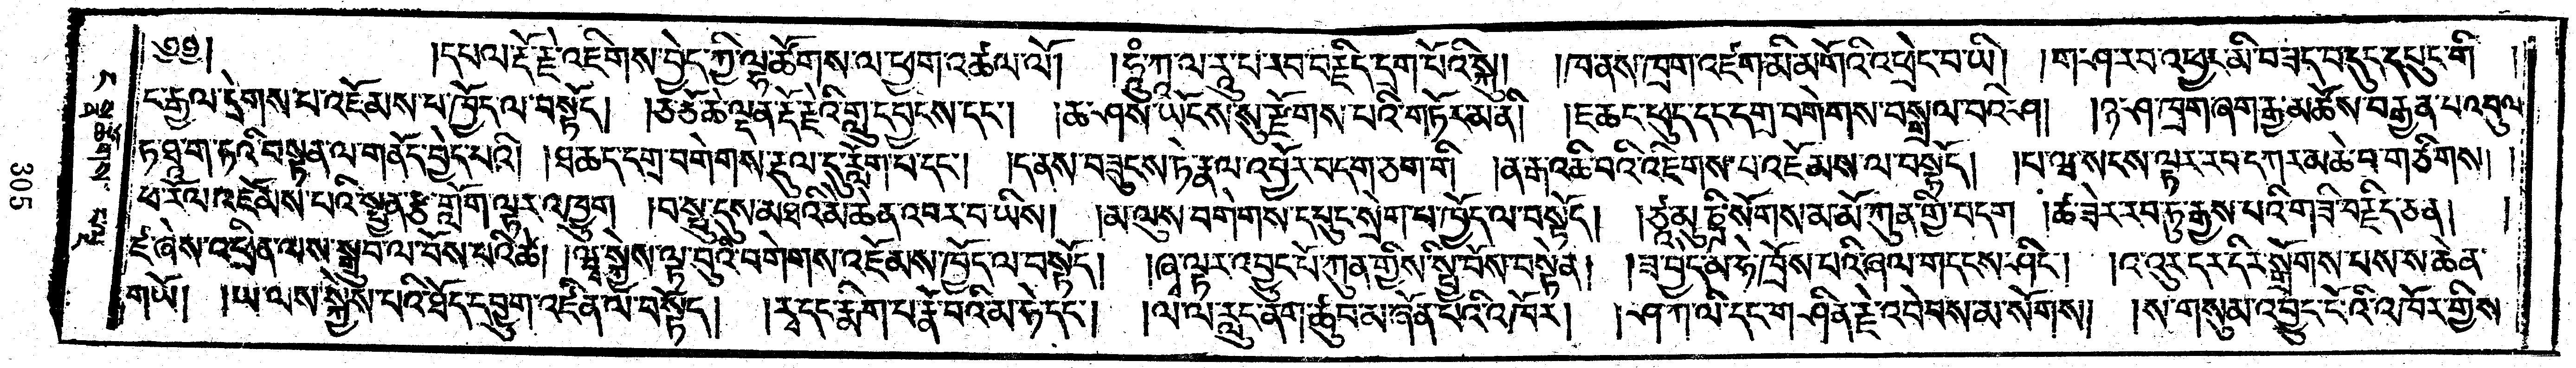༄༅། །དཔལ་རྡོ་རྗེ་འཇིགས་བྱེད་ཀྱི་ལྷ་ཚོགས་ལ་ཕྱག་འཚལ་ལོ། །ཧཱུཾ་ཀཱ་ལ་རཱུ་པ་རབ་བརྗིད་དྲག་པོའི་སྐུ། །ཁ་ནས་ཁྲག་འཛག་མི་མགོའི་འཕྲེང་བ་ཡི། །ག་ཤ་རབ་འཕྱང་མི་བཟད་བདུད་དཔུང་གི །
ང་རྒྱལ་དྲེགས་པ་འཇོམས་པ་ཁྱོད་ལ་བསྟོད། །ཅ་ཅོ་ཆེ་ལྡན་རྡོ་རྗེའི་གླུ་དབྱངས་དང་། །ཆ་ཤས་ཡོངས་སུ་རྫོགས་པའི་གཏོར་མ་ནི། །ཇ་ཆང་ཕུད་དང་དགྲ་བགེགས་བསྒྲལ་བའི་ཤ། །ཉ་ཤ་ཁྲག་ཞག་རྒྱ་མཚོས་བརྒྱན་པ་འབུལ་
ཏ་ཐཱ་ག་ཏའི་བསྟན་ལ་གནོད་བྱེད་པའི། །ཐ་ཆད་དགྲ་བགེགས་རྡུལ་དུ་རློག་པ་དང་། །ད་ནས་བཟུངས་ཏེ་རྣལ་འབྱོར་བདག་ཅག་གི །ན་རྒ་འཆི་བའི་འཇིགས་པ་འཇོམས་ལ་བསྟོད། །པ་ཝ་སངས་ལྟར་རབ་དཀར་མཆེ་བ་གཙིགས། །
ཕ་རོལ་འཇོམས་པའི་སྤྱན་རྩ་གློག་ལྟར་འཁྱུག །བ་སྤུ་དུས་མཐའི་མེ་ཆེན་འབར་བ་ཡིས། །མ་ལུས་བགེགས་དཔུང་སྲེག་པ་ཁྱོད་ལ་བསྟོད། །ཙཱ་མུཎྜི་སོགས་མ་མོ་ཀུན་གྱི་བདག །ཚ་ཟེར་རབ་ཏུ་རྒྱས་པའི་གཟི་བརྗིད་ཅན། །
ཛ་ཞེས་འཕྲིན་ལས་སྒྲུབ་ལ་བོས་པའི་ཚེ། །ཝྭ་སྐྱེས་ལྟ་བུའི་བགེགས་འཇོམས་ཁྱོད་ལ་བསྟོད། །ཞྭ་ལྟར་འབྱུང་པོ་ཀུན་གྱིས་སྤྱི་བོས་བསྟེན། །ཟ་བྱེད་མ་ཧེ་ཁྲོས་པའི་ཞལ་གདངས་ཤིང་། །འ་འུར་དར་དིར་སྒྲོགས་པས་ས་ཆེན་
གཡོ། །ཡ་ལས་སྐྱེས་པའི་ཐོད་དབྱུག་འཛིན་ལ་བསྟོད། །རྭ་དང་རྨིག་པ་རྣོ་བའི་མ་ཧེ་དང་། །ལ་ལ་རླུང་ནག་ཚུབ་མ་ཞོན་པའི་འཁོར། །ཤ་ཀ་ལི་དང་གཤིན་རྗེ་འབེབས་མ་སོགས། །ས་གསུམ་འབྱུང་པོའི་འཁོར་གྱིས་